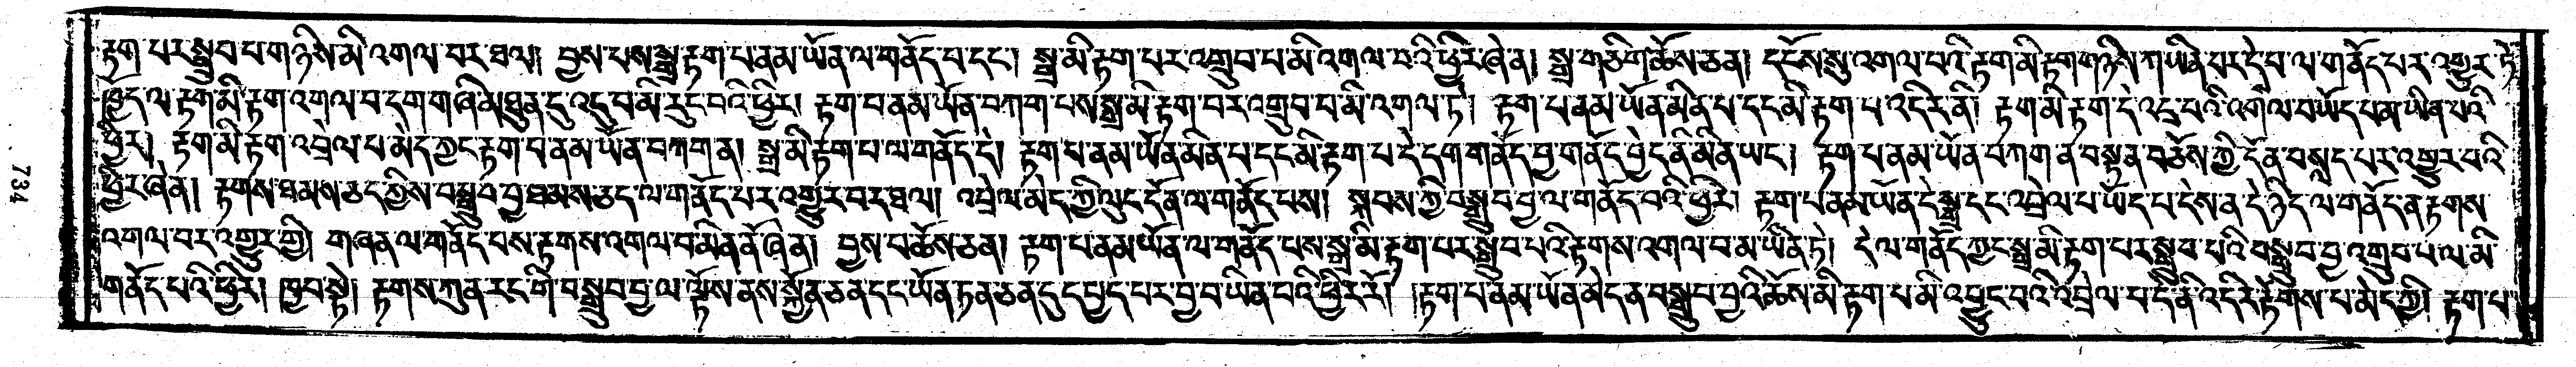རྟག་པར་སྒྲུབ་པ་གཉིས་མི་འགལ་བར་ཐལ། བྱས་པས་སྒྲ་རྟག་པ་ནམ་ཡོན་ལ་གནོད་པ་དང་། སྒྲ་མི་རྟག་པར་འགྲུབ་པ་མི་འགལ་བའི་ཕྱིར་ཞེ་ན། སྒྲ་གཅིག་ཆོས་ཅན། དངོས་སུ་འགལ་བའི་རྟག་མི་རྟག་གཉིས་ཀ་ཡིན་པར་དེ་བ་ལ་གནོད་པར་འགྱུར་ཏེ་
ཁྱོད་ལ་རྟག་མི་རྟག་འགལ་བ་དག་གཞི་མཐུན་དུ་འདུ་བ་མི་རུང་བའི་ཕྱིར། རྟག་པ་ནམ་ཡོན་བཀག་པས་སྒྲ་མི་རྟག་བར་འགྲུབ་བ་མི་འགལ་ཏེ། རྟག་པ་ནམ་ཡོན་མིན་པ་དང་མི་རྟག་པ་འདིར་ནི། རྟག་མི་རྟག་དེ་འདྲ་བའི་འགལ་བ་ཡོད་པ་མ་ཡིན་པའི་
ཕྱིར། རྟག་མི་རྟག་འབྲེལ་པ་མེད་ཀྱང་རྟག་བ་ནམ་ཡོན་བཀག་ན། སྒྲ་མི་རྟག་པ་ལ་གནོད་དེ། རྟག་པ་ནམ་ཡོན་མིན་པ་དང་མི་རྟག་པ་དེ་དག་གནོད་བྱ་གནོད་བྱེད་ནི་མིན་ཡང་། རྟག་པ་ནམ་ཡོན་བཀག་ན་བསྟན་བཅོས་ཀྱི་དོན་བསླད་པར་འགྱུར་པའི་
ཕྱིར་ཞེ་ན། རྟགས་ཐམས་ཅད་ཀྱིས་བསྒྲུབ་བྱ་ཐམས་ཅད་ལ་གནོད་པར་འགྱུར་བར་ཐལ། འབྲེལ་མེད་ཀྱི་ལུང་དོན་ལ་གནོད་པས། སྐབས་ཀྱི་བསྒྲུབ་བྱ་ལ་གནོད་པའི་ཕྱིར། རྟག་པ་ནམ་ཡོན་དེ་སྒྲ་དང་འབྲེལ་པ་ཡོད་པ་དེས་ན་དེ་ཉིད་ལ་གནོད་ན་རྟགས་
འགལ་བར་འགྱུར་གྱི། གཞན་ལ་གནོད་པས་རྟགས་འགལ་བ་མིན་ནོ་ཞེ་ན། བྱས་བ་ཆོས་ཅན། རྟག་པ་ནམ་ཡོན་ལ་གནོད་པས་སྒྲ་མི་རྟག་པར་སྒྲུབ་པའི་རྟགས་འགལ་བ་མ་ཡིན་ཏེ། དེ་ལ་གནོད་ཀྱང་སྒྲ་མི་རྟག་པར་སྒྲུབ་པའི་བསྒྲུབ་བྱ་འགྲུབ་པ་ལ་མི་
གནོད་པའི་ཕྱིར། ཁྱབ་སྟེ། རྟགས་ཀུན་རང་གི་བསྒྲུབ་བྱ་ལ་ལྟོས་ནས་སྐྱོན་ཅན་དང་ཡོན་ཏན་ཅན་དུ་དཔྱད་པར་བྱ་བ་ཡིན་པའི་ཕྱིར་རོ། །རྟག་པ་ནམ་ཡོན་མེད་ན་བསྒྲུབ་བྱའི་ཆོས་མི་རྟག་པ་མི་འབྱུང་བའི་འབྲེལ་པ་དེ་ནི་འདིར་རྟོགས་པ་མེད་ཀྱི། རྟག་པ་